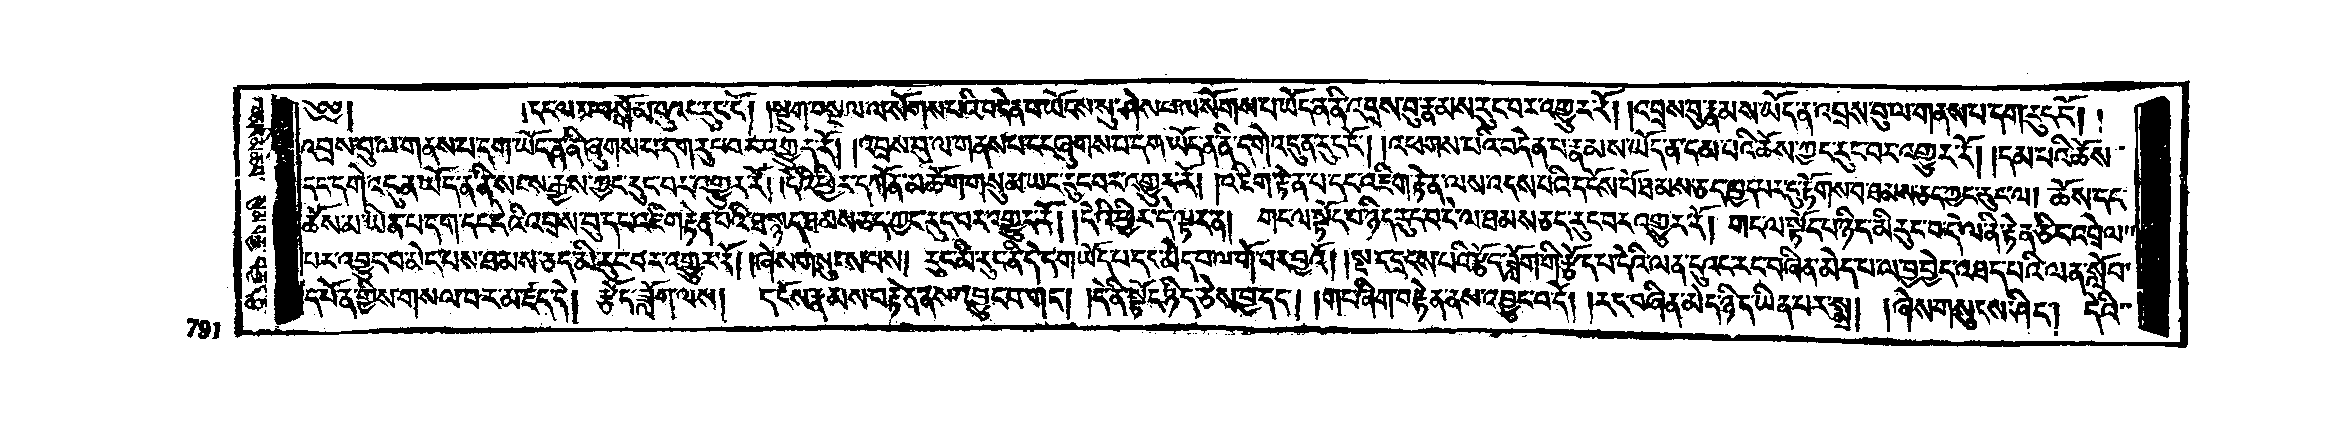༄༅། །དང་ལམ་བསྒོམ་པའང་རུང་ངོ། །སྡུག་བསྔལ་ལ་སོགས་པའི་བདེན་པ་ཡོངས་སུ་ཤེས་པ་ལ་སོགས་པ་ཡོད་ན་ནི་འབྲས་བུ་རྣམས་རུང་བར་འགྱུར་རོ། །འབྲས་བུ་རྣམས་ཡོད་ན་འབྲས་བུ་ལ་གནས་པ་དག་རུང་ངོ། །
འབྲས་བུ་ལ་གནས་པ་དག་ཡོད་ན་ནི་ཞུགས་པ་དག་རུང་བར་འགྱུར་རོ། །འབྲས་བུ་ལ་གནས་པ་དང་ཞུགས་པ་དག་ཡོད་ན་ནི་དགེ་འདུན་རུང་ངོ། །འཕགས་པའི་བདེན་པ་རྣམས་ཡོད་ན་དམ་པའི་ཆོས་ཀྱང་རུང་བར་འགྱུར་རོ། །དམ་པའི་ཆོས་
དང་དགེ་འདུན་ཡོད་ན་ནི་སངས་རྒྱས་ཀྱང་རུང་བར་འགྱུར་རོ། །དེའི་ཕྱིར་དཀོན་མཆོག་གསུམ་ཡང་རུང་བར་འགྱུར་རོ། །འཇིག་རྟེན་པ་དང་འཇིག་རྟེན་ལས་འདས་པའི་དངོས་པོ་ཐམས་ཅད་ཁྱད་པར་དུ་རྟོགས་པ་ཐམས་ཅད་ཀྱང་རུང་ལ། ཆོས་དང་
ཆོས་མ་ཡིན་པ་དག་དང་དེའི་འབྲས་བུ་དང་འཇིག་རྟེན་པའི་ཐ་སྙད་ཐམས་ཅད་ཀྱང་རུང་བར་འགྱུར་རོ། །དེའི་ཕྱིར་དེ་ལྟར་ན། གང་ལ་སྟོང་པ་ཉིད་རུང་བ་དེ་ལ་ཐམས་ཅད་རུང་བར་འགྱུར་རོ། གང་ལ་སྟོང་པ་ཉིད་མི་རུང་བ་དེ་ལ་ནི་རྟེན་ཅིང་འབྲེལ་
པར་འབྱུང་བ་མེད་པས་ཐམས་ཅད་མི་རུང་བར་འགྱུར་རོ། །ཞེས་གསུངས་པས། རུང་མི་རུང་ནི་དེ་དག་ཡོད་པ་དང་མེད་པ་ལ་གོ་བར་བྱའོ། །སྔར་དྲངས་པའི་རྩོད་ཟློག་གི་རྩོད་པ་དེའི་ལན་དུའང་རང་བཞིན་མེད་པ་ལ་བྱ་བྱེད་འཐད་པའི་ལན་སློབ་
དཔོན་གྱིས་གསལ་བར་མཛད་དེ། རྩོད་ཟློག་ལས། དངོས་རྣམས་བརྟེན་ནས་འབྱུང་བ་གང་། །དེ་ནི་སྟོང་ཉིད་ཅེས་བྱ་དང་། །གང་ཞིག་བརྟེན་ནས་འབྱུང་བ་དེ། །རང་བཞིན་མེད་ཉིད་ཡིན་པར་སྨྲ། །ཞེས་གསུངས་ཤིང་། དེའི་